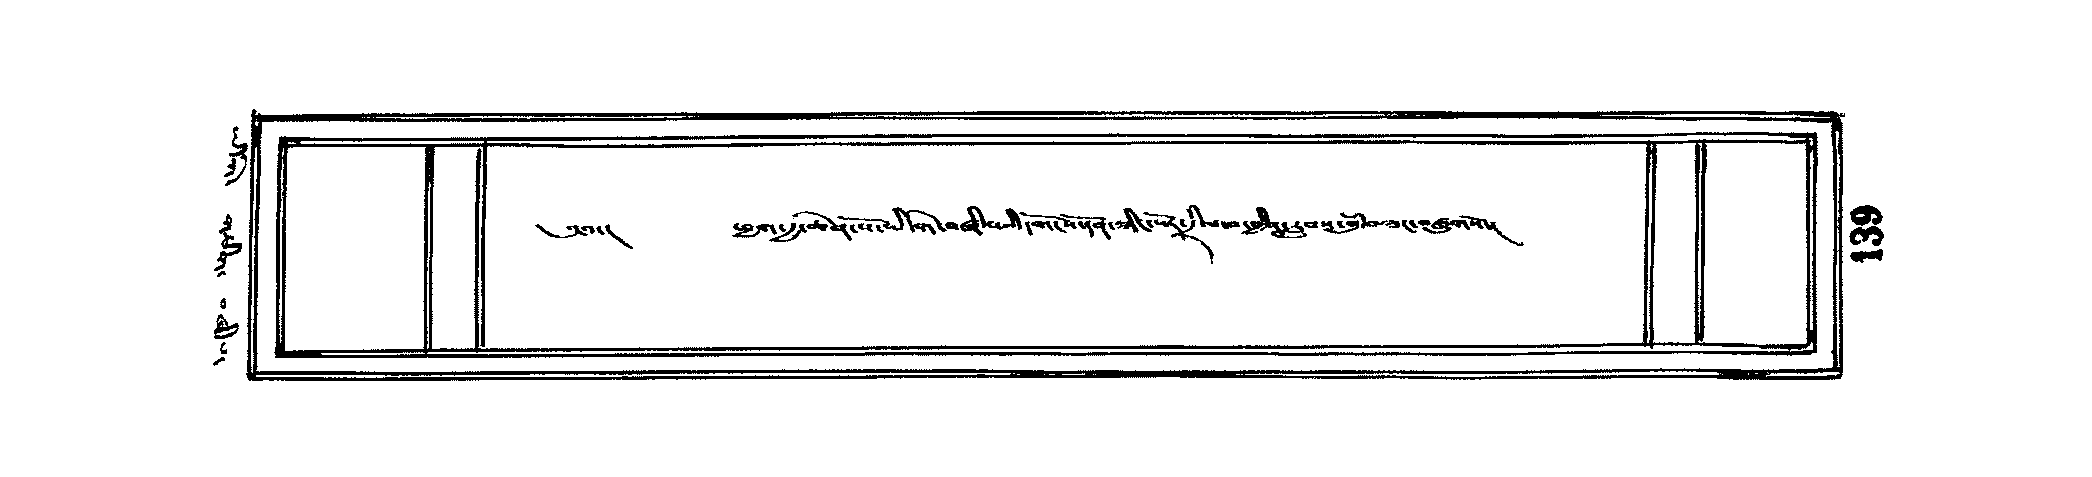༄༅། ཕྱག་རྒྱ་ཆེན་པོ་ཡི་གེ་བཞི་པའི་དགོངས་དོན་སྙིང་པོར་དྲིལ་བ་བྱིན་རླབས་བུམ་བཟང་བཞུགས་སོ།།